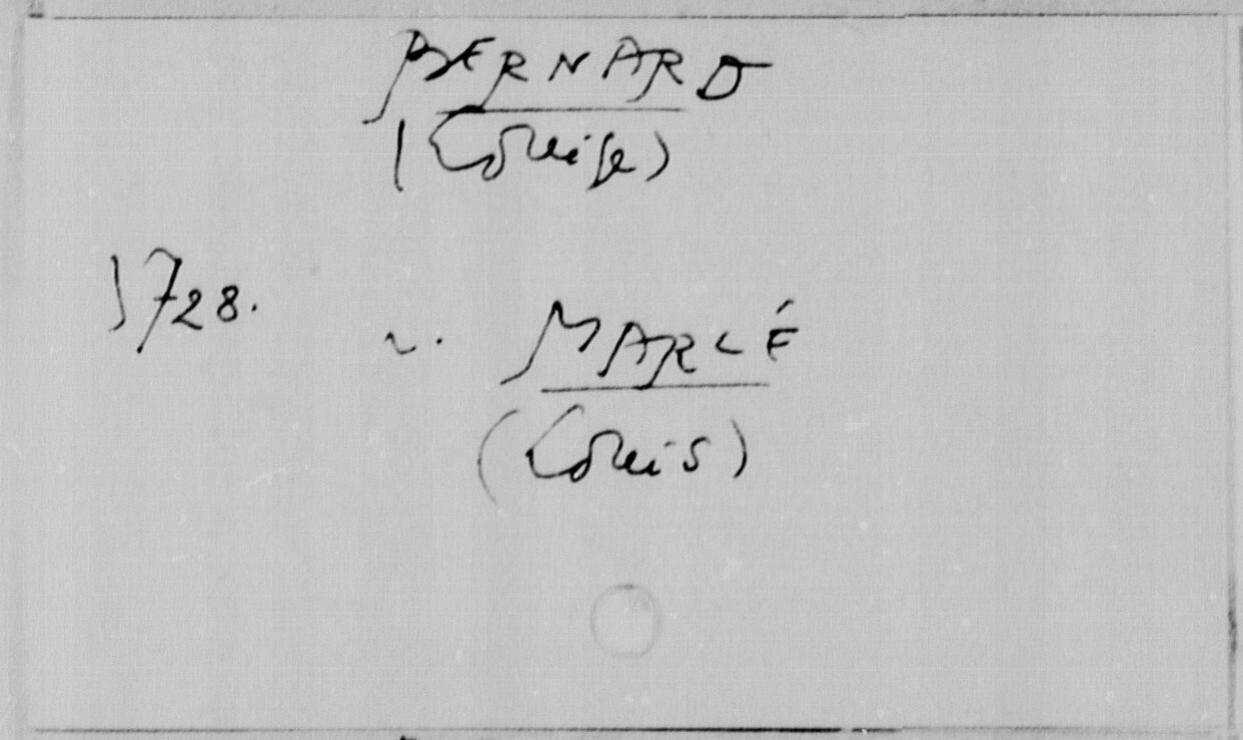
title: BERNARD (Louise)
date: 1728
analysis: Voir MARLÉ (Louis)
